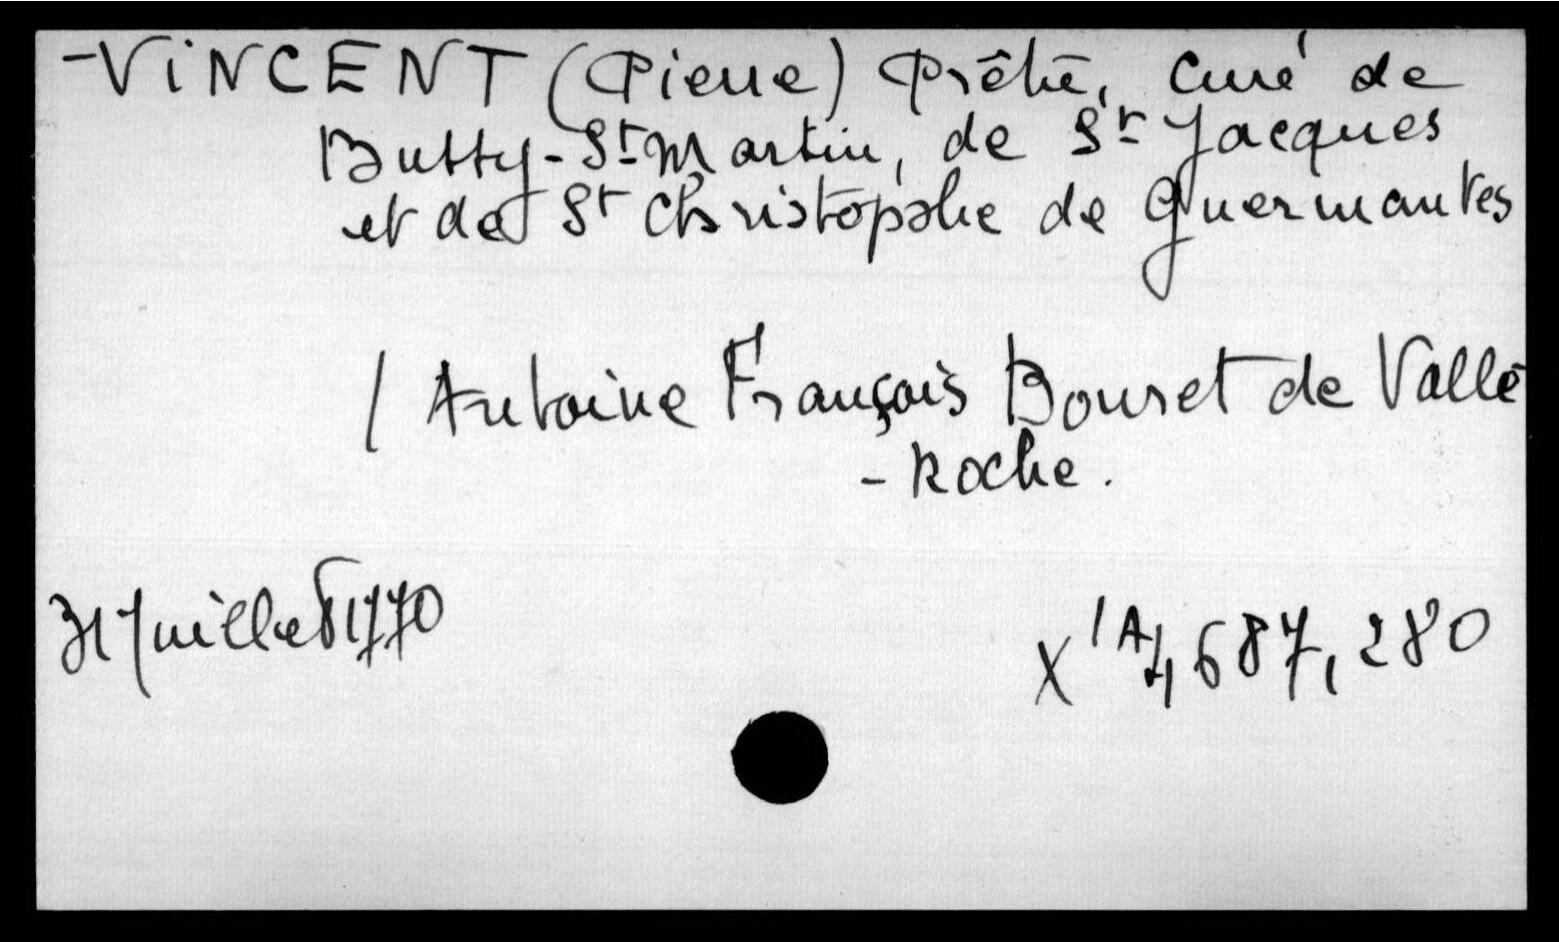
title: VINCENT (Pierre) Prêtre, curé de Bussy-Saint Martin, de Saint-Jacques et de Saint-Christophe de Guermantes
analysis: Contre Anboine François Bouret de Vallé-Roche
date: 31 juillet 1770
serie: X1A
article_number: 4687
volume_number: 280
